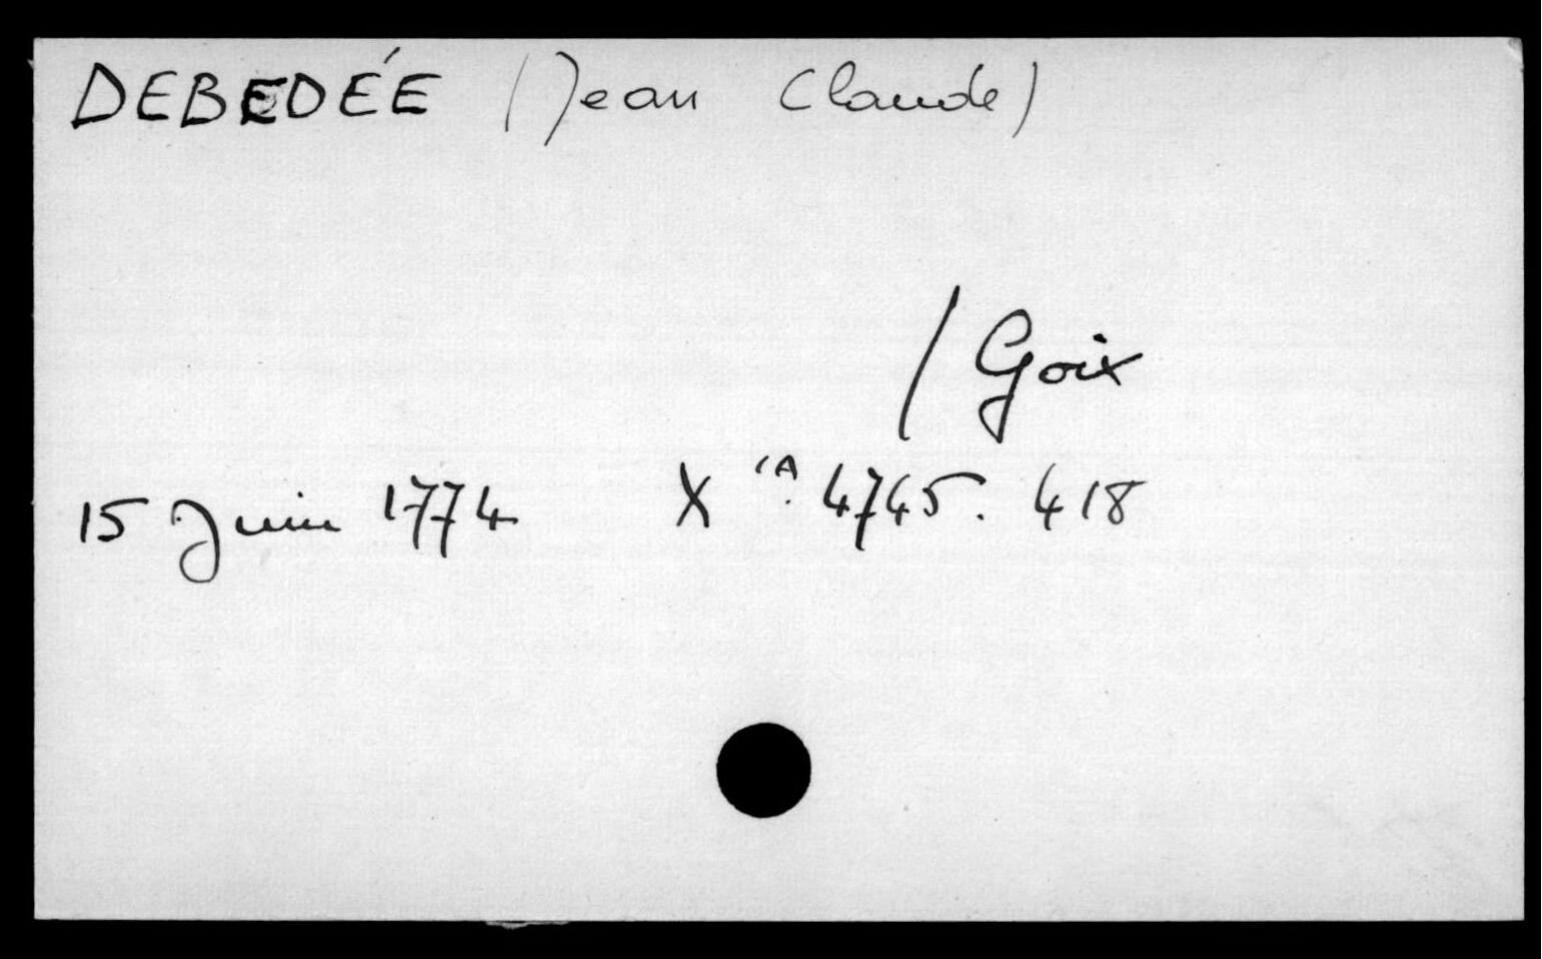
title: DEBEDÉE (Jean Claude)
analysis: Contre Goix
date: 15 juin 1774
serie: X1A
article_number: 4745
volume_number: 418
